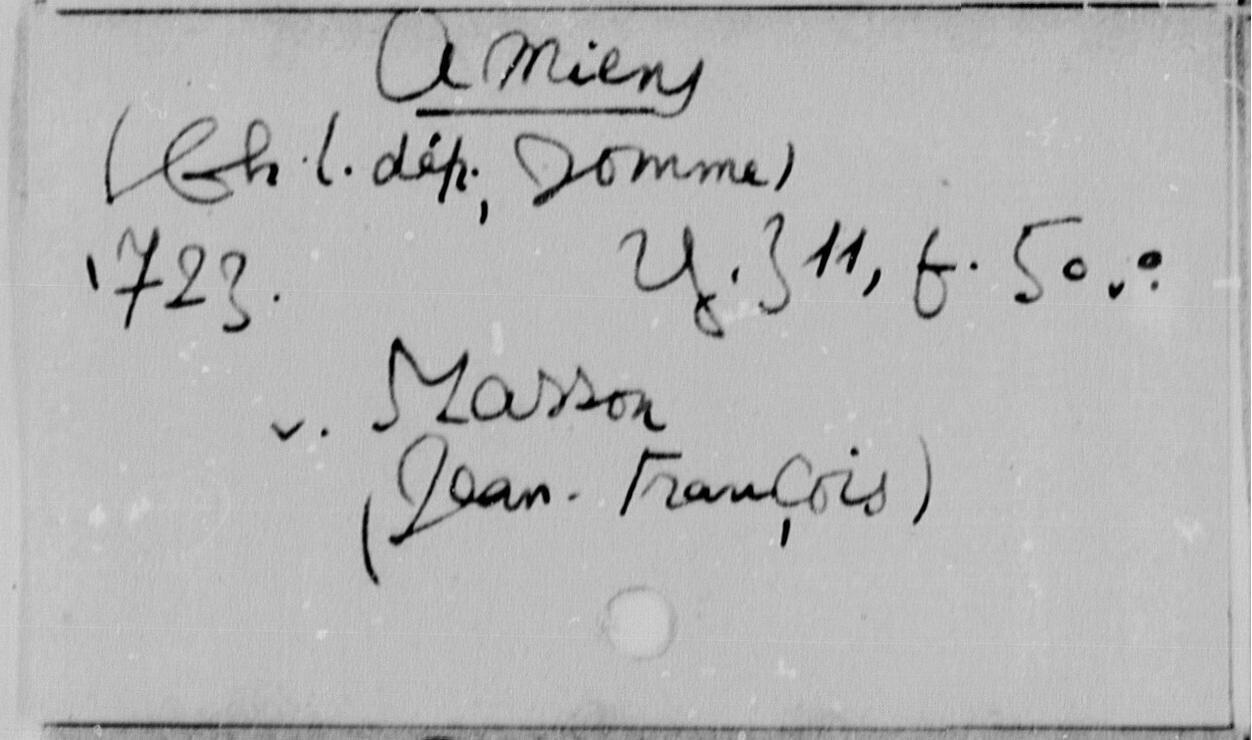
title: AMIENS (chef-lieu de département, département de la Somme)
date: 1723
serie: Y
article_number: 311
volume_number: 50v
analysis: Voir MASSON (Jean-François)
